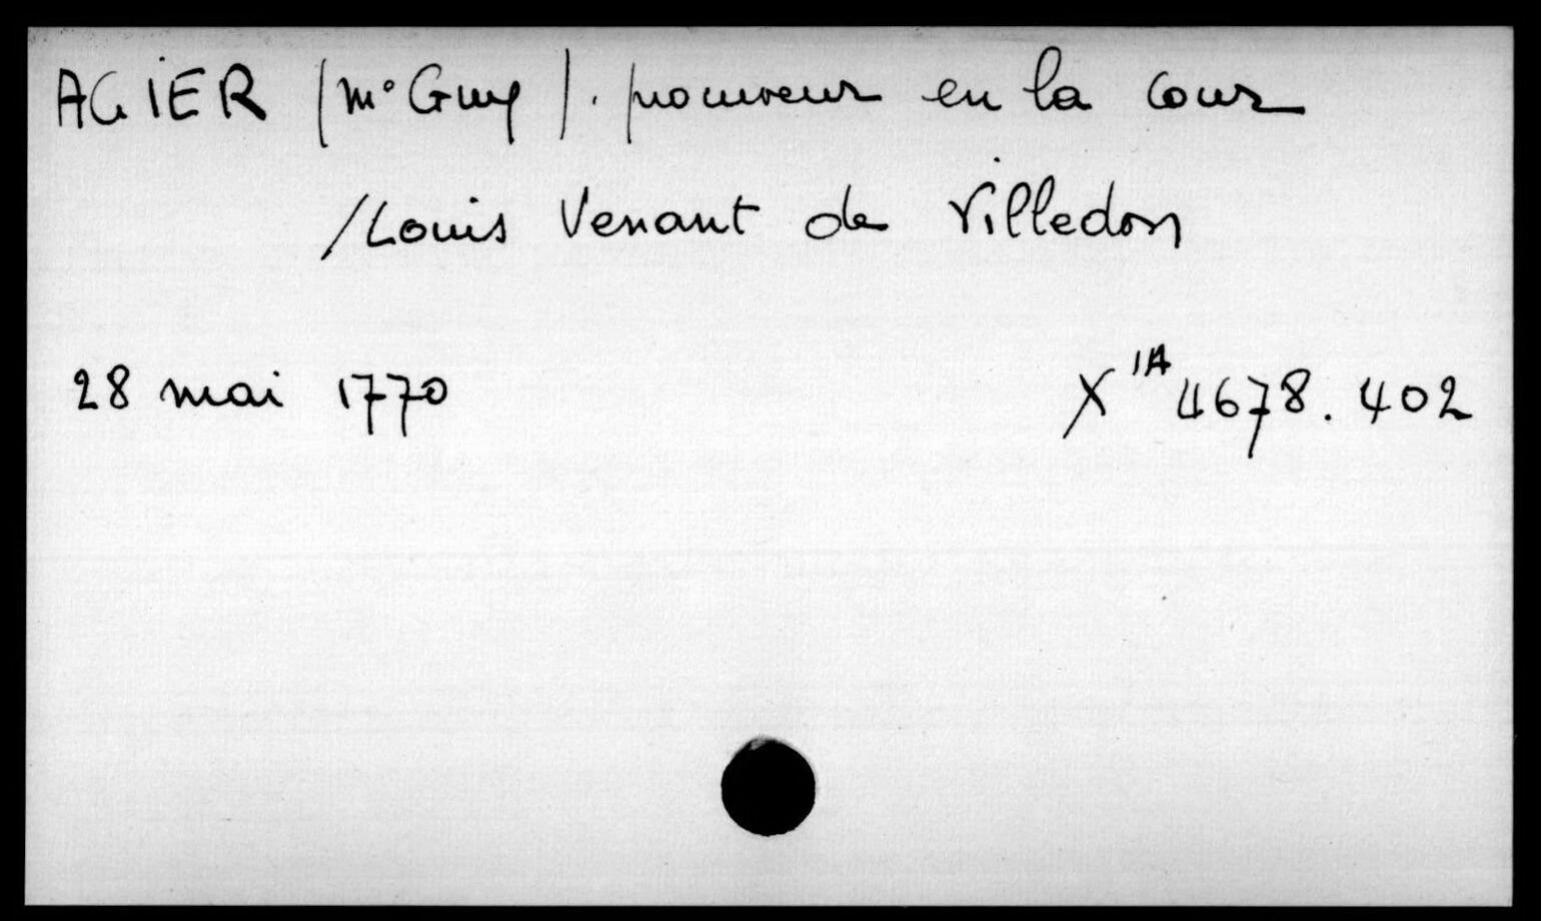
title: AGIER (maître Guy), procureur en la cour
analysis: Contre Louis Venant de Villedon
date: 28 mai 1770
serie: X1A
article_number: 4678
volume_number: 402
